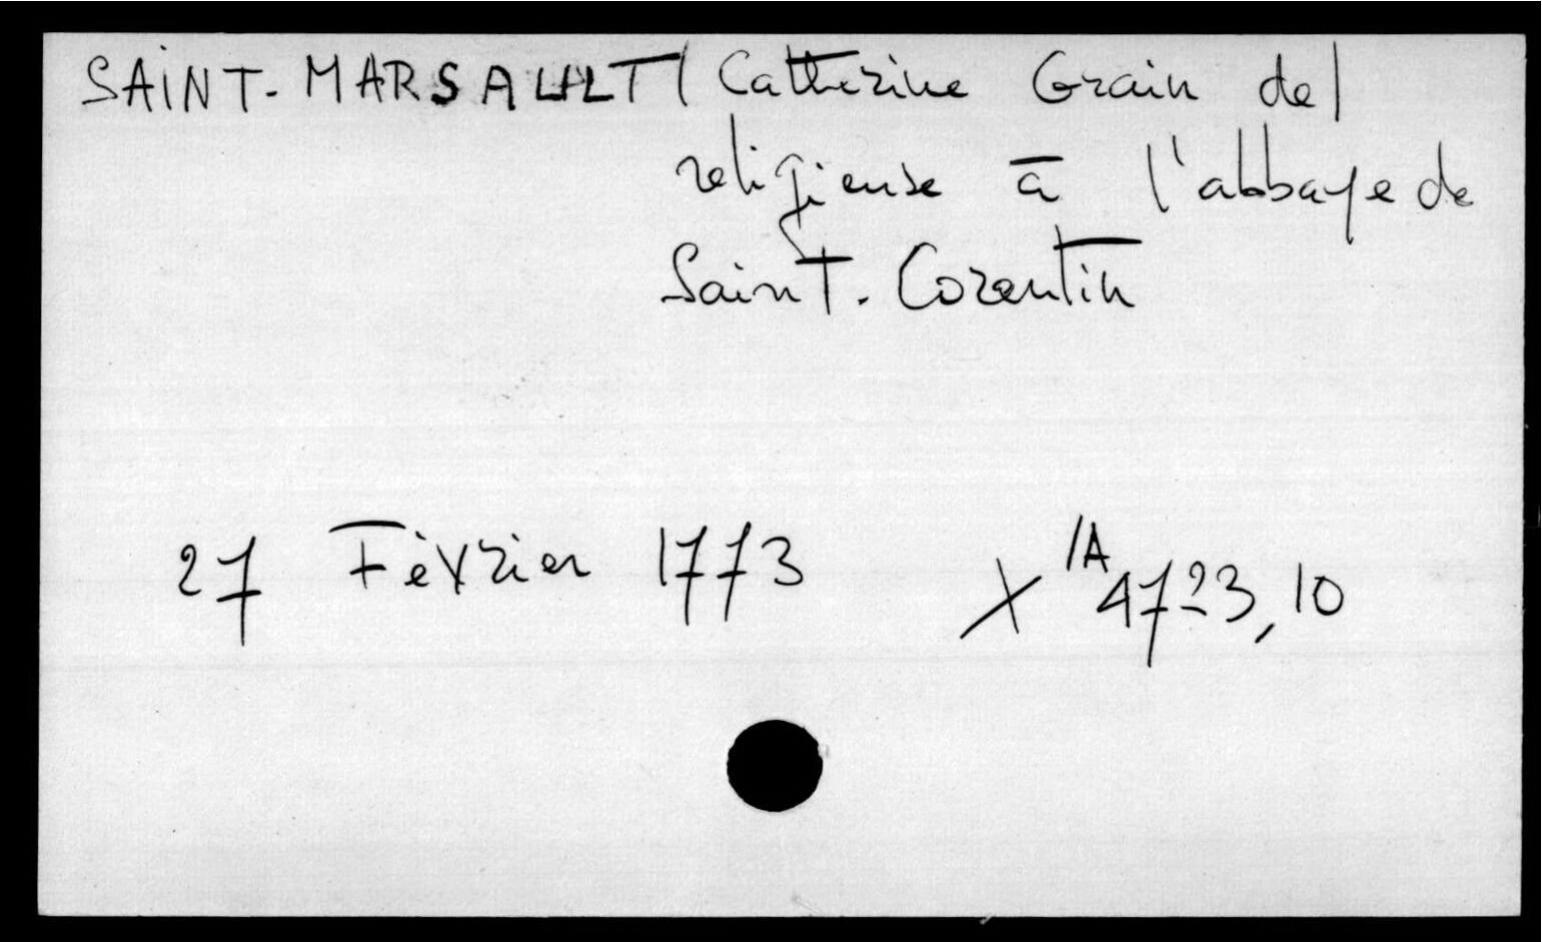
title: SAINT-MARSAULT (Catherine Grain de) religieuse à l'abbaye de Saint-Corentin
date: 27 février 1773
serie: X1A
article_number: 4723
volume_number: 10
